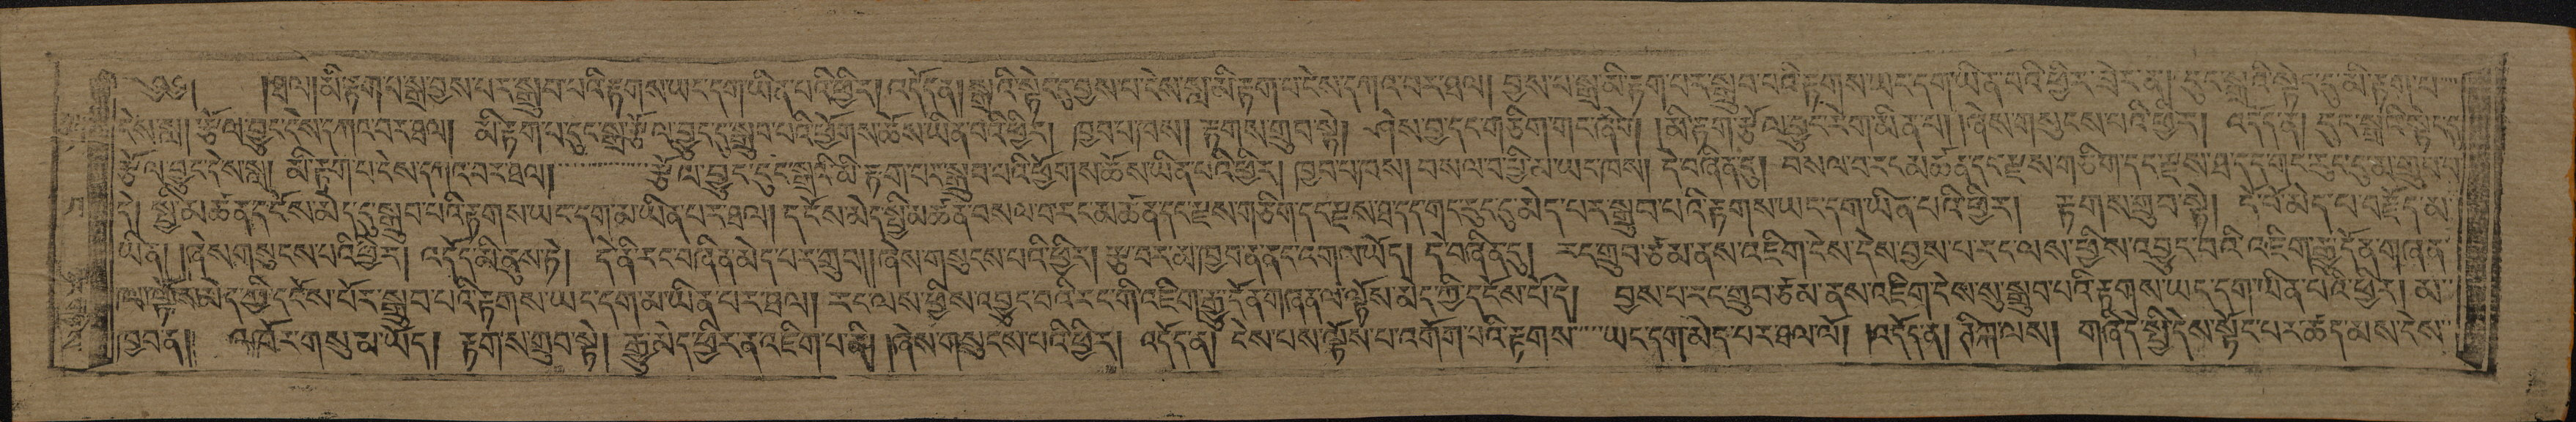༄༅། །ཐལ། མི་རྟག་པ་སྒྲ་བྱས་པར་སྒྲུབ་པའི་རྟགས་ཡང་དག་ཡིན་པའི་ཕྱིར། འདོད་ན། སྒྲའི་སྟེང་དུ་བྱས་པ་ངེས་སླ་མི་རྟག་པ་ངེས་དཀའ་བར་ཐལ། བྱས་པ་སྒྲ་མི་རྟག་པར་སྒྲུབ་པའི་རྟགས་ཡང་དག་ཡིན་པའི་ཕྱིར་ཟེར་ན། དུང་སྒྲའི་སྟེང་དུ་མི་རྟག་པ་
ངེས་སླ། རྩོལ་བྱུང་ངེས་དཀའ་བར་ཐལ། མི་རྟག་པ་དུང་སྒྲ་རྩོལ་བྱུང་དུ་སྒྲུབ་པའི་ཕྱོགས་ཆོས་ཡིན་པའི་ཕྱིར། ཁྱབ་པ་ཁས། རྟགས་གྲུབ་སྟེ། ཤེས་བྱ་དང་གཅིག་གང་ཞིག །མི་རྟག་རྩོལ་བྱུང་རེག་མིན་པ། །ཞེས་གསུངས་པའི་ཕྱིར། འདོད་ན། དུང་སྒྲའི་སྟེང་དུ་
རྩོལ་བྱུང་ངེས་སླ། མི་རྟག་པ་ངེས་དཀའ་བར་ཐལ། རྩོལ་བྱུང་དུང་སྒྲའི་མི་རྟག་པར་སྒྲུབ་པའི་ཕྱོགས་ཆོས་ཡིན་པའི་ཕྱིར། ཁྱབ་པ་ཁས། བསལ་བ་ཕྱི་མ་ཡང་ཁས། དེ་བཞིན་དུ། བསལ་བ་རང་མཚན་དང་རྫས་གཅིག་དང་རྫས་ཐ་དད་གང་རུང་དུ་མ་གྲུབ་པ་
དེ། སྤྱི་མཚན་དངོས་མེད་དུ་སྒྲུབ་པའི་རྟགས་ཡང་དག་མ་ཡིན་པར་ཐལ། དངོས་མེད་སྤྱི་མཚན་བསལ་བ་རང་མཚན་དང་རྫས་གཅིག་དང་རྫས་ཐ་དད་གང་རུང་དུ་མེད་པར་སྒྲུབ་པའི་རྟགས་ཡང་དག་ཡིན་པའི་ཕྱིར། རྟགས་གྲུབ་སྟེ། ངོ་བོ་མེད་པ་བརྗོད་མ་
ཡིན། །ཞེས་གསུངས་པའི་ཕྱིར། འདོད་མི་ནུས་ཏེ། དེ་ནི་རང་བཞིན་མེད་པར་གྲུབ། །ཞེས་གསུངས་པའི་ཕྱིར། རྩ་བར་མ་ཁྱབ་ན་ནང་འགལ་ཡོད། དེ་བཞིན་དུ། རང་གྲུབ་ཙམ་ནས་འཇིག་ངེས་དེས་བྱས་པ་རང་ལས་ཕྱིས་འབྱུང་བའི་འཇིག་རྒྱུ་དོན་གཞན་
ལ་ལྟོས་མེད་ཀྱི་དངོས་པོར་སྒྲུབ་པའི་རྟགས་ཡང་དག་མ་ཡིན་པར་ཐལ། རང་ལས་ཕྱིས་འབྱུང་བའི་རང་གི་འཇིག་རྒྱུ་དོན་གཞན་ལ་ལྟོས་མེད་ཀྱི་དངོས་པོ་དེ། བྱས་པ་རང་གྲུབ་ཙམ་ནས་འཇིག་ངེས་སུ་སྒྲུབ་པའི་རྟགས་ཡང་དག་ཡིན་པའི་ཕྱིར། མ་
ཁྱབ་ན། འཁོར་གསུམ་ཡོད། རྟགས་གྲུབ་སྟེ། རྒྱུ་མེད་ཕྱིར་ན་འཇིག་པ་ནི། །ཞེས་གསུངས་པའི་ཕྱིར། འདོད་ན། ངེས་པས་ལྟོས་པ་འགོག་པའི་རྟགས་ཡང་དག་མེད་པར་ཐལ་ལོ། །འདོད་ན། ཊིཀྐ་ལས། གཞི་དེ་སྤྱི་དེས་སྟོང་པར་ཚད་མས་ངེས་